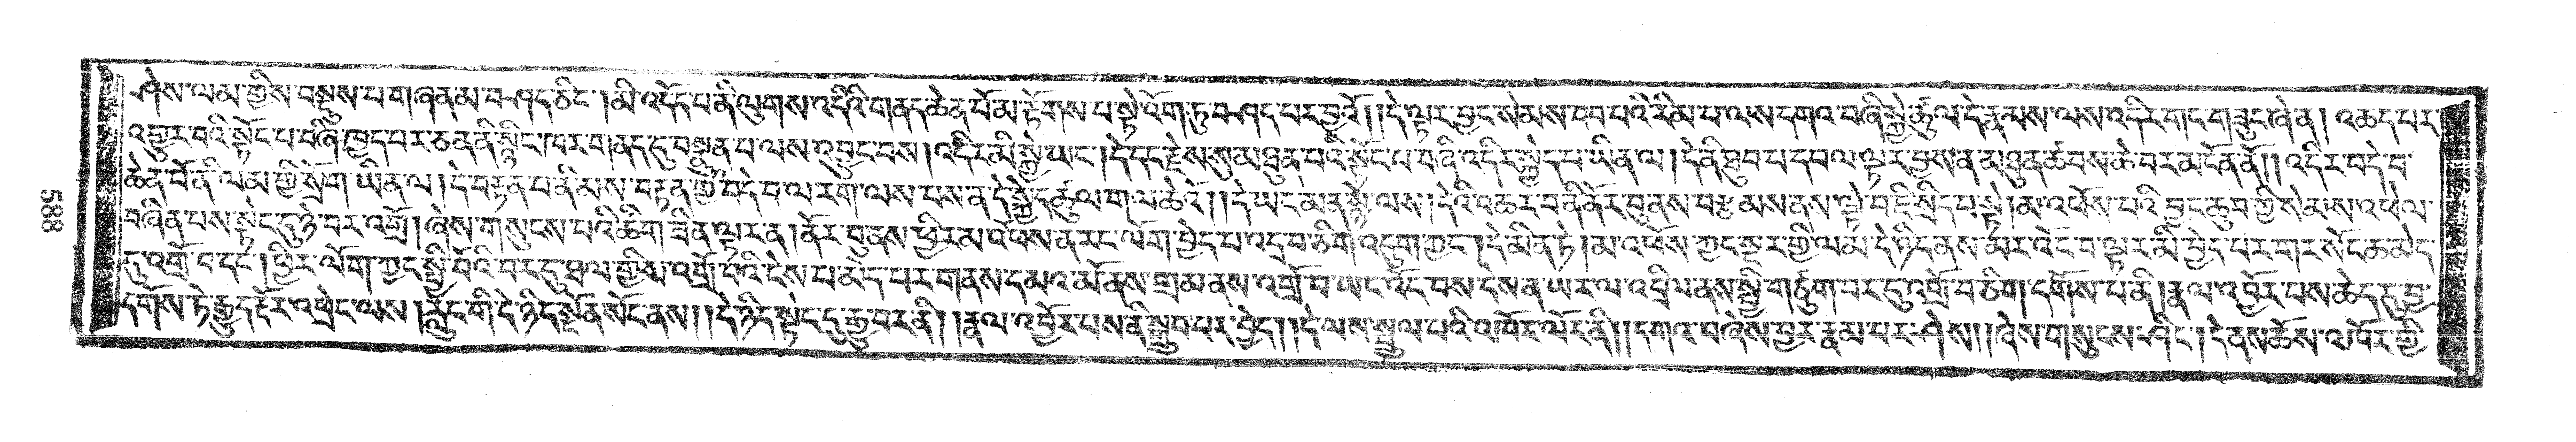ཤེས་ལམ་གྱིས་བསྡུས་པ་གཞན་མ་བཤད་ཅིང་། མི་འདོད་པ་ནི་ལུགས་འདིའི་གནད་ཆེན་པོ་མ་རྟོགས་པ་སྟ་འོག་ཏུ་བཤད་པར་བྱའོ། །དེ་ལྟར་བྱང་སེམས་བབ་པའི་རིམ་པ་ལས་དགའ་བཞི་སྐྱེ་ཚུལ་དེ་རྣམས་ལས་འདིར་གང་གཟུང་ཞེ་ན། འཆད་པར་
འགྱུར་བའི་སྟོང་པ་བཞི་ཁྱད་པར་ཅན་ནི་སྙིང་ཁར་གནད་དུ་བསྣུན་པ་ལས་འབྱུང་བས། འདིར་མི་སྐྱེ་ཡང་། དེ་དང་རྗེས་སུ་མཐུན་པའི་སྟོང་པ་བཞི་འདིར་སྐྱེད་པ་ཡིན་ལ། དེ་ནི་ཐུབ་པ་དཔལ་ལྟར་བྱས་ན་མཐུན་ཚབས་ཆེ་བར་མངོན་ནོ། །འདིར་བདེ་བ་
ཆེན་པོ་ནི་ལམ་གྱི་སྲེག་ཡིན་ལ། དེ་བརྟན་པ་ནི་མས་བརྟན་གྱི་བདེ་བ་ལ་རག་ལས་པས་ན་དེ་སྐྱེད་ཚུལ་གལ་ཆེའོ། །དེ་ཡང་མན་སྙེ་ལས། དེའི་འཆར་བ་ནི་ནོར་བུ་ནས་བརྩམས་ནས་ལྟེ་བ་ཇི་སྲིད་པ་སྟེ། མ་འཕོས་པའི་བྱང་ཆུབ་ཀྱི་སེམས་འཕེལ་
བཞིན་པས་སྟེང་དུ་ཉེ་བར་འགྲོ་།ཞེས་གསུངས་པའི་ཚིག་ཟིན་ལྟར་ན། ནོར་བུ་ནས་ཕྱིར་མ་འཕོས་ན་རང་ལོག་བྱེད་པ་འདྲ་བ་ཅིག་འདུག་ཀྱང་། དེ་མིན་ཏེ། མ་འཕོས་ཀྱང་སྔར་གྱི་ལམ་དེ་ཉིད་ནས་མར་འོང་བ་ལྟར་མི་བྱེད་པར་གར་སོང་ཆ་མེད་
དུ་འགྲོ་བ་དང་། ཕྱིར་ལོག་ཀྱང་སྤྱི་བོའི་བར་དུ་ཐལ་གྱིས་འགྲོ་བའི་ངེས་པ་མེད་པར་གནས་དམའ་མོ་ནས་གྲམ་ནས་འགྲོ་བ་ཡང་འོང་བས་དེས་ན་ཡར་ལ་འདྲིལ་ནས་སྤྱི་གཙུག་བར་དུ་འགྲོ་བ་ཅིག་དགོས་པ་ནི། རྣལ་འབྱོར་པས་ཆེད་དུ་བྱ་
དགོས་ཏེ་རྒྱུད་རྡོར་འཕྲེང་ལས། རླུང་གི་དེ་ཉིད་སྔོན་སོང་ནས། །དེ་ཉིད་སྟེང་དུ་རྒྱུ་བར་ནི། །རྣལ་འབྱོར་པས་ནི་སྒྲུབ་པར་བྱེད། །དེ་ལས་སྤྲུལ་པའི་འཁོར་ལོར་ནི། །དགའ་བཞེས་བྱར་རྣམ་པར་ཤེས། །ཞེས་གསུངས་ཤིང་། དེ་ནས་ཆོས་འཁོར་གྱི་